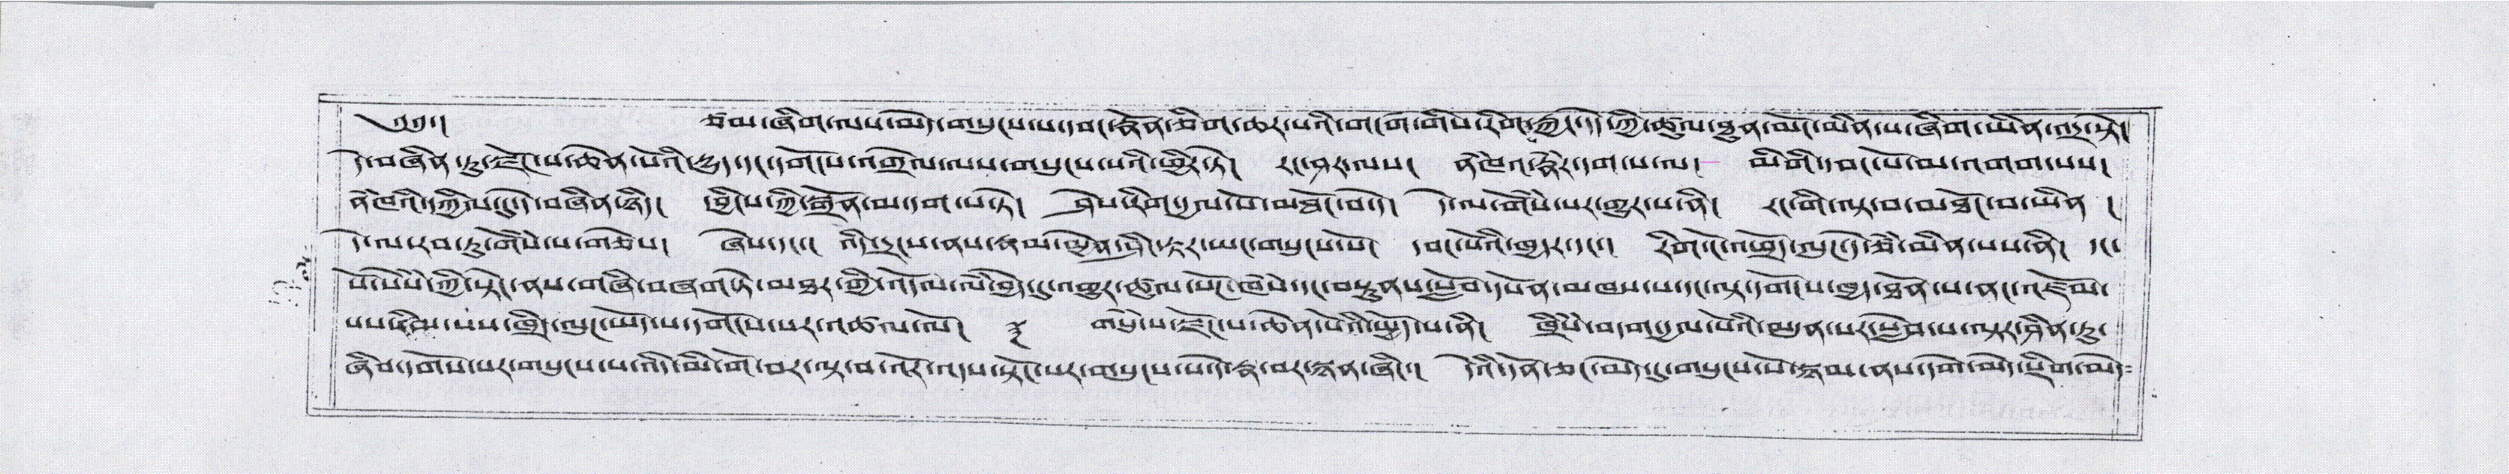ཙམ་ཞིག་ལས་མེད་གསུངས་པ་དབང་རྣོན་ཅིག་ཆར་པའི་གང་ཟག་གིས་རིག་པ་རྐྱང་དེད་ཀྱི་ཚུལ་ཐུན་མོང་མིན་པ་ཞིག་ཡིན་འདྲ་སྟེ། 
དེ་བཞིན་ཏུ་རྫོགས་པ་ཆེན་པོའི་རྒྱུད་དང་དགོངས་འགྲེལ་ལས་གསུངས་པའི་ཕྱིར་ཏེ། རང་ཤར་ལས། ནམ་མཁའ་རྣམ་པར་དག་པ་ལ། མིག་གི་དབང་པོ་མ་འགག་པས། 
ནམ་མཁའི་དཀྱིལ་དུ་དེ་བཞིན་ཉིད། དབྱིངས་ཀྱི་སྒྲོན་མ་དག་པ་ཏེ། ཤེས་རིག་རྒྱལ་པོ་མཐོང་བ་དེ། དེ་ལ་གོམས་པར་གྱུར་པ་ནི། རང་གི་ལྟ་བ་མཐོང་བ་ཡིན། 
དེ་ལ་རབ་ཏུ་གོམས་པ་གཅེས། ཞེས་དང། འདི་དྲངས་ནས་རྣམ་མཁྱེན་ཤིང་རྟར་ཡང་གསུངས་སོ། དབང་པོའི་ཁྱད་པར་དང། རིག་ངོ་འཕྲོད་ལུགས་དེ་ཙམ་མིན་པས་ནི། དང་
པོ་སེམས་ཀྱི་སྟེང་ནས་གཞི་བཞག་ཏེ་མཐར་གྱི་འདོལ་ལམ་བྱེད་དུ་འགྱུར་ཚུལ་སོགས་ཁམས་དང་བསྟུན་ནས་སློབ་དཔོན་མཁས་པ་དང་ལྟ་དགོངས་ཁྱད་ཐོན་པ་ནང་འཛོམ་
པས་རིམ་པས་ཁྲིད་ལུགས་ཡོད་པ་དགོངས་པར་འཚལ་ལོ། ༑ གསུམ་པ་རྫོགས་པ་ཆེན་པོའི་སྤྱོད་པ་ནི། ཁྲིམས་བདག་རྒྱལ་པོའི་མདུན་སར་སླེབ་པ་ལྟར་ཤིན་ཏུ་
ཞིབ་དགོས་པར་གསུངས་པ་འདི་མི་གོ་བར་ལྟ་བ་འཁོར་འདས་སྟོང་པར་གསུངས་པ་དེ་རྣ་བར་སྙན་ཞིང། དེའི་དོན་ཅང་མེད་དུ་གསུངས་པོ་སྙམ་ནས་དགེ་མེད་སྡིག་མེད་